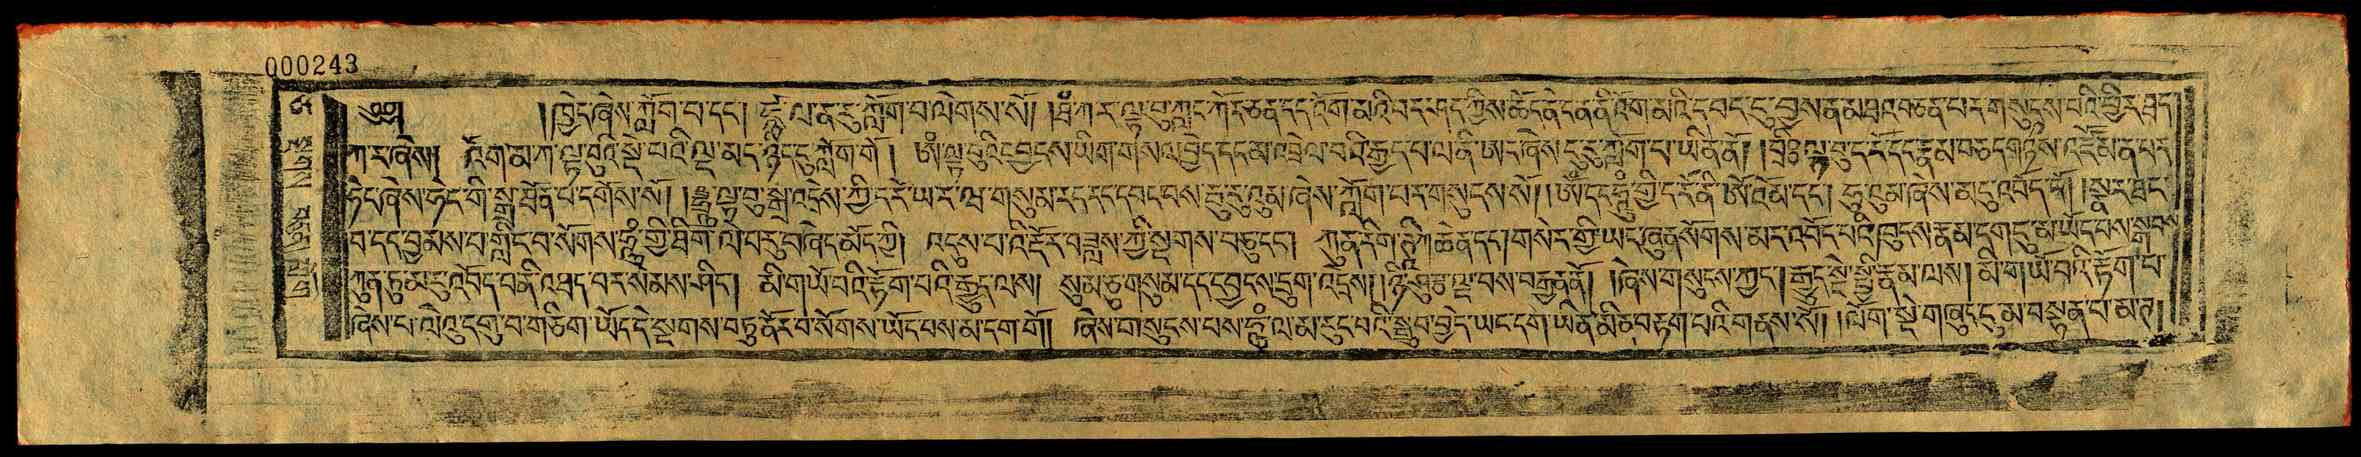༄༅། །ཁྱིང་ཞེས་ཀློག་པ་དང་། ཛྙ་ལ་ན་རུ་ཀློག་པ་ལེགས་སོ། །ཐ་ཀ་ར་ལྟ་བུ་ཀླད་ཀོར་ཅན་དང་འོག་མའི་བར་ཤད་ཀྱིས་ཆོད་མེད་ན་ནི་འོག་མའི་དབང་དུ་བྱས་ན་མཐའ་བཙན་པར་གསུངས་པའི་ཕྱིར་ཐད་
ཀ་ར་ཞེས། འ་ག་མ་ཀ་ལྟ་བུའི་སྡེ་པའི་ལྔ་པད་ཉིད་དུ་ཀློག་གོ །ཨོཾ་ལྟ་བུའི་དབྱངས་ཡིག་གསལ་བྱེད་དང་མ་འབྲེལ་བའི་རྐྱང་པ་ལ་ནི་ཨང་ཞེས་ང་རུ་ཀློག་པ་ཡིན་ནོ། །པྲིཿ ལྟ་བུ་ང་རོ་དང་རྣམ་བཅད་གཉིས་འཇེམ་ན་བ་རི་
ཧེང་ཞེས་ཧེང་གི་སྒྲ་ཐོན་པ་དགོས་སོ། །བྷཱུཾ་ལྟ་བུ་སྒྲ་འདྲེས་ཀྱི་ང་རོ་ཡ་ར་ལྭ་གསུམ་རང་རང་དབང་བས་རྦུ་རུ་འུམ་ཞེས་ཀློག་པར་གསུངས་སོ།། ཨོཾ་དང་ཧཱུཾ་གྱི་ང་རོ་ནི་ཨཨོ་འོ་མ་དང་། ཧུ་འུམ་ཞེས་མ་རུ་འབོད་དོ། །སྣར་ཐང་
པ་དང་བྱམས་པ་གླིང་པ་སོགས་ཧཱུཾ་གྱི་ཐིག་ལེ་ང་རུ་བཞེད་མོད་ཀྱི། འདུས་པའི་རྡོར་བཟླས་ཀྱི་སྔགས་བཏུ་དང་། ཀུན་རིག་ཊཱིཀ་ཆེན་དང་། གསེར་གྱི་ཡང་ཞུན་སོགས་མར་འབོད་པའི་ཁྲུངས་རྣམ་ངག་དུ་མ་ཡོད་པས་སྐབས་
ཀུན་ཏུ་མ་རུ་འབོད་པ་ནི་འཐད་པར་སེམས་ཤིང་། མི་གཡོ་བའི་རྟོག་པའི་རྒྱུད་ལས། སུམ་ཅུ་གསུམ་དང་དབྱངས་དྲུག་འདྲེས། །ཉི་ཤུ་རྩ་ལྔ་པས་བརྒྱན་ནོ། །ཞེས་གསུངས་ཀྱང་། རྒྱུད་སྔེ་སྤྱི་རྣམ་ལས། མི་གཡོ་བའི་རྟོག་པ་
ཞེས་པ་ལེའུ་དགུ་པ་གཅིག་ཡོད་དེ་སྔགས་བཏུ་ནོར་བ་སོགས་ཡོད་བསམ་དག་གོ། ཞེས་གསུངས་པས་ཧཱུཾ་ལམ་རུང་བའི་སྒྲུབ་བྱེད་ཡང་དག་ཡིན་མིན་བརྟག་པའི་གནས་སོ། །ལོག་སྡེ་གཞུང་དུ་མ་བསྟན་པ་མ་ཊ་